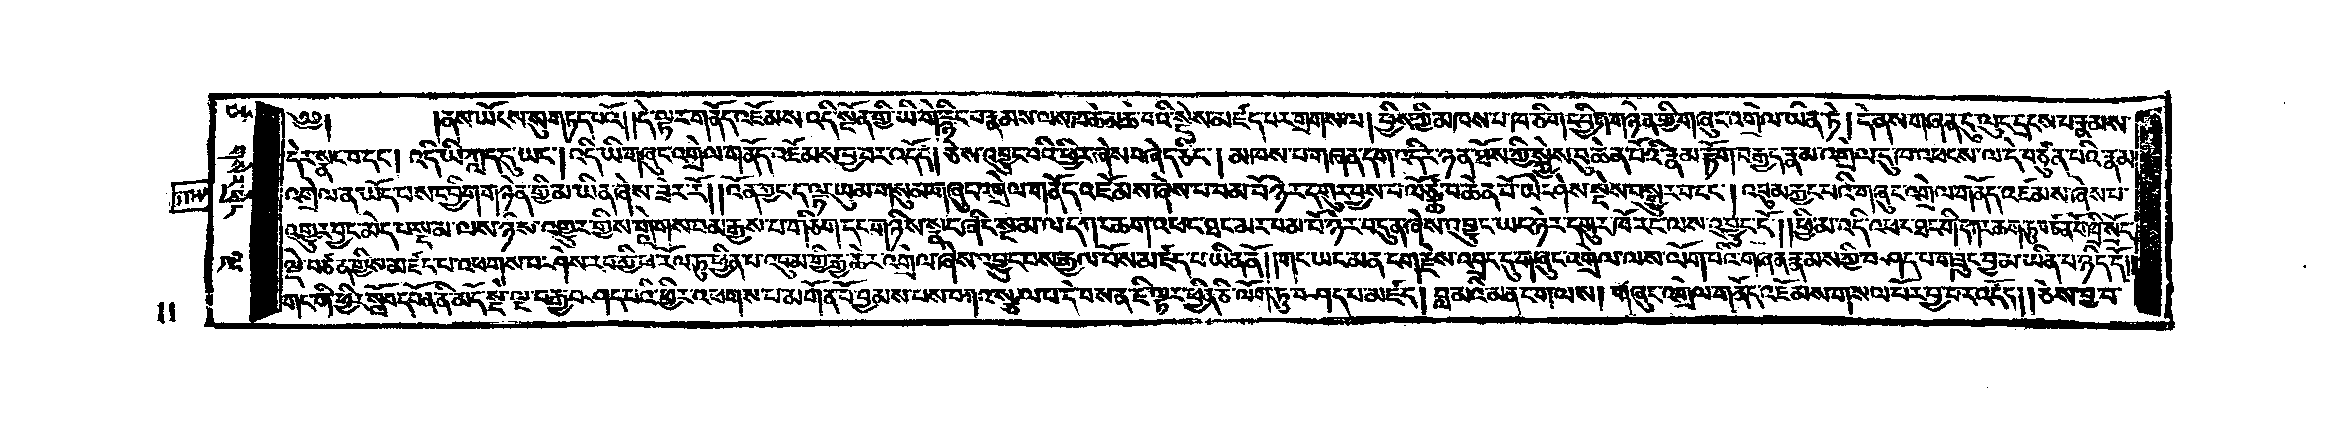༄༅། །ནས་ཡོངས་སུ་གཏད་པའོ། །དེ་ལྟར་གནོད་འཇོམས་འདི་སྔོན་གྱི་ཡི་གེ་རྙིང་པ་རྣམས་ལས་ཁ་ཆེ་མཆེ་བའི་སྡེས་མཛད་པར་གྲགས་ལ། ཕྱིས་ཀྱི་མཁས་པ་ཁ་ཅིག་དབྱིག་གཉེན་གྱི་གཞུང་འགྲེལ་ཡིན་ཏེ། དེ་ནས་གཞན་དུ་ལུང་དྲངས་པ་རྣམས་
དེར་སྣང་བ་དང་། འདི་ཡི་ཀླད་དུ་ཡང་། འདི་ཡི་གཞུང་འགྲེལ་གནོད་འཇོམས་བྱ་བར་འདོད། ཅེས་འབྱུང་བའི་ཕྱིར་ཞེས་བཞེད་ཅིང་། མཁས་པ་གཞན་དག་འདིར་ཉན་ཐོས་ཀྱི་སྐྱེས་བུ་ཆེན་པོའི་རྣམ་རྟོག་བརྒྱད་རྣམ་འགྲེལ་དུ་ཁ་འཕངས་ལ་དེ་བཙུན་པའི་རྣམ་
འགྲེལ་ན་ཡོད་པས་དབྱིག་གཉེན་གྱི་མ་ཡིན་ཞེས་ཟེར་རོ། །འོན་ཀྱང་ད་ལྟ་ཡུམ་གསུམ་གཞུང་འགྲེལ་གནོད་འཇོམས་ཞེས་པ་བམ་པོ་ཉེར་དགུར་བྱས་པ་ལོ་ཙྪ་བ་ཆེན་པོ་ཡེ་ཤེས་སྡེས་བསྒྱུར་བ་དང་། འབུམ་རྐྱང་པའི་གཞུང་འགྲེལ་གནོད་འཇོམས་ཞེས་པ་
འགྱུར་བྱང་མེད་པ་སྔ་མ་ལས་ཉིས་འགྱུར་གྱིས་གླེགས་བམ་རྒྱས་པ་གཅིག་དང་གཉིས་སྣང་ཞིང་སྔ་མ་ལ་དཀར་ཆག་འཕང་ཐང་མར་བམ་པོ་ཉེར་བདུན་ཞེས་འབྱུང་ཡང་ཉེར་དགུར་ཁོ་རང་ལས་འབྱུང་ངོ། །ཕྱི་མ་འདི་འཕང་ཐང་གི་དཀར་ཆག་ཏུ་བཙན་པོ་ཁྲི་སྲོང་
ལྡེ་བཙན་གྱིས་མཛད་པ་འཕགས་པ་ཤེས་རབ་ཀྱི་ཕ་རོལ་ཏུ་ཕྱིན་པ་འབུམ་གྱི་རྒྱ་ཆེར་འགྲེལ་ཞེས་འབྱུང་བས་རྒྱལ་པོས་མཛད་པ་ཡིན་ནོ། །གང་ཡང་མན་ངག་རྗེས་འབྲང་དུ་གཞུང་འགྲེལ་ལས་ལོག་པའི་གཞན་རྣམས་ཀྱི་བཤད་པ་གཟུང་བྱ་མ་ཡིན་པ་ཉིད་དོ། །
གང་གི་ཕྱིར་སློབ་དཔོན་ནི་མདོ་སྡེ་ལྔ་བརྒྱ་བཤད་པའི་ཕྱིར་འཕགས་པ་མགོན་པོ་བྱམས་པས་བཀའ་སྩལ་པ་དེ་བས་ན་ཇི་ལྟར་ཕྱིན་ཅི་ལོག་ཏུ་བཤད་པ་མཛད། བླ་མའི་མན་ངག་ལས། གཞུང་འགྲེལ་གནོད་འཇོམས་གསལ་པོར་བྱ་བར་འདོད། །ཅེས་བྱ་བ་